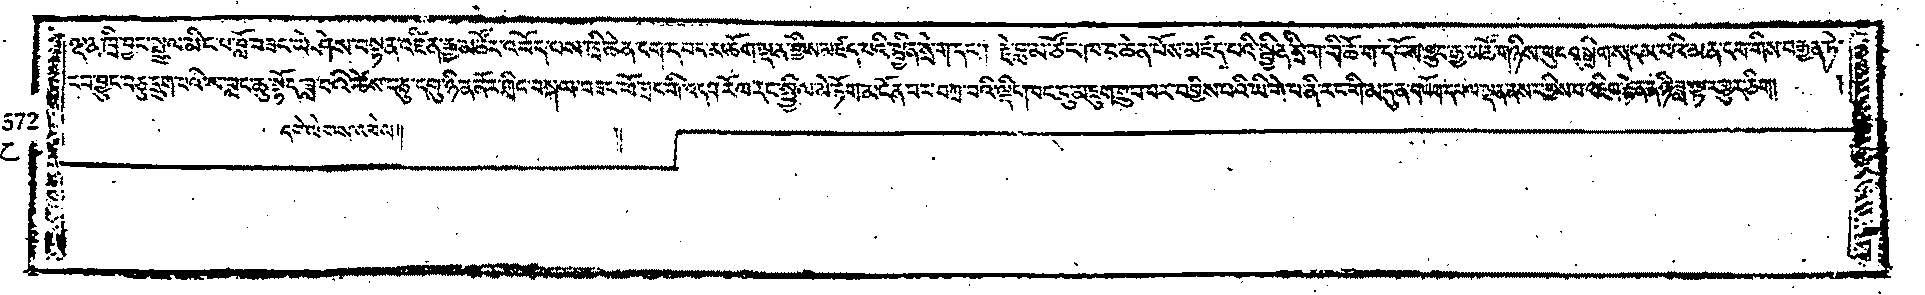ལྡན་ཁྲི་བྱང་སྤྲུལ་མིང་པ་བློ་བཟང་ཡེ་ཤེས་བསྟན་འཛིན་རྒྱ་མཚོར་འབོད་པས་ཁྲི་ཆེན་ངག་དབང་མཆོག་ལྡན་གྱིས་མཛད་པའི་སྤྱིན་སྲེག་དང་། རྗེ་བླ་མ་ཙོང་ཁ་བ་ཆེན་པོས་མཛད་པའི་སྤྱིན་སྲིད་གི་ཆོ་ག་དངོས་གྲུབ་རྒྱ་མཚོ་གཉིས་གུང་བ་སྒྲིགས་དམ་པའི་མན་ངག་གིས་བརྒྱན་ཏེ་
རབ་བྱུང་བཅུ་དྲུག་པའི་ས་གླང་ཆུ་སྟོད་ཟླ་བའི་ཚེས་བཅུ་དགུ་ཉིན་ནོར་གླིང་བསྐལ་བཟང་ཕོ་བྲང་གི་འདབ་རོལ་རང་སྤྱིལ་མེ་ཏོག་མངོན་པར་བཀྲ་བའི་ལྡིང་ཁང་དུ་མཇུག་གྲུབ་པར་བགྱིས་བའི་ཡི་གེ་པ་ནི་རང་གི་མདུན་གཡོག་དཔལ་ལྡན་ནས་བགྱིས་པ་འཇིག་རྟེན་ན་ཉི་ཟླ་ལྟར་གྱུར་ཅིག། །
དགེ་ལེགས་འཕེལ།། །།